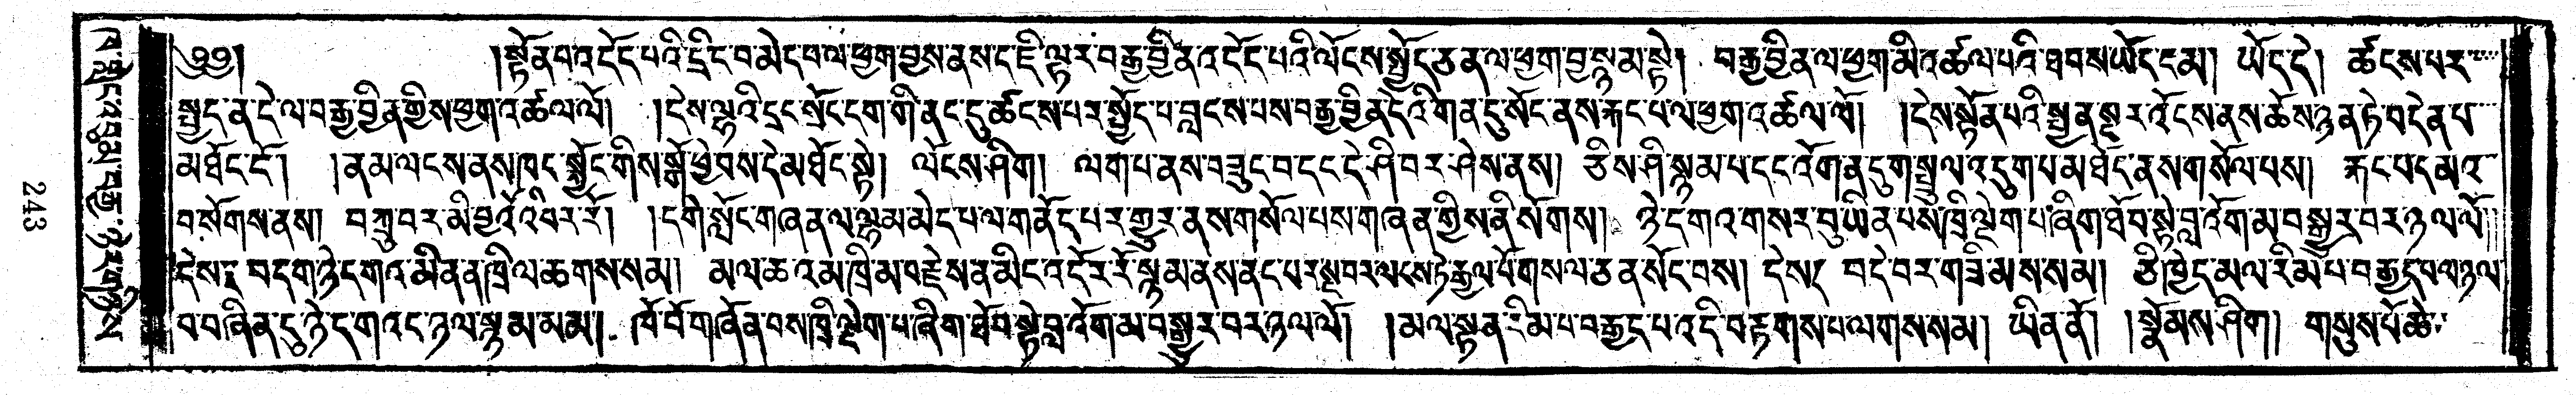༄༅། །སྟོན་པ་འདོད་པའི་དྲིང་བ་མེད་པ་ལ་ཕྱག་བྱས་ནས་ད་ཇི་ལྟར་བརྒྱ་བྱིན་འདོད་པའི་ལོངས་སྤྱོད་ཅན་ལ་ཕྱག་བྱ་སྙམ་སྟེ། བརྒྱ་བྱིན་ལ་ཕྱག་མི་འཚལ་པའི་ཐབས་ཡོད་དམ། ཡོད་དེ། ཚངས་པར་
སྤྱད་ན་དེ་ལ་བརྒྱ་བྱིན་གྱིས་ཕྱག་འཚལ་ལོ། །དེས་ལྷའི་དྲང་སྲོང་དག་གི་ནང་དུ་ཚངས་པར་སྤྱོད་པ་བླངས་པས་བརྒྱ་བྱིན་དེའི་གན་དུ་སོང་ནས་རྐང་པ་ལ་ཕྱག་འཚལ་ལོ། །དེས་སྟོན་པའི་སྤྱན་སྔར་འོངས་ནས་ཆོས་ཉན་ཏེ་བདེན་པ་
མཐོང་ངོ། །ནམ་ལངས་ནས་ཁང་སྐྱོང་གིས་སྒོ་ཕྱེ་བས་དེ་མཐོང་སྟེ། ལོངས་ཤིག །ལག་པ་ནས་བཟུང་བ་དང་དེ་ཤི་བར་ཤེས་ནས། ཅིས་ཤི་སྙམ་པ་དང་འོག་ན་དུག་སྤྲུལ་འདུག་པ་མཐོང་ནས་གསོལ་པས། རྐང་པ་དམའ་
བ་སོགས་ནས། བཀྲུ་བར་མི་བྱའོ་འབར་རོ། །དགེ་སློང་གཞན་ལ་ལྷམ་མེད་པ་ལ་གནོད་པར་གྱུར་ནས་གསོལ་པས་གཞན་གྱིས་ནི་སོགས། ཉེ་དགའ་གསར་བུ་ཡིན་པས་ཁྲི་ལྡེག་པ་ཞིག་ཐོབ་སྟེ་བླ་འོག་མ་བསྒྱུར་བར་ཉལ་ལོ།།
དེས༑ བདག་ཉེ་དགའ་མིན་ན་ཁྲིལ་ཆགས་སམ། མལ་ཆ་འམ་ཁྲི་མ་བརྗེས་ན་མིང་འདོར་རོ་སྙམ་ནས་ནང་པར་སྔ་བར་ལངས་ཏེ་རྒྱལ་པོ་གསལ་ཅན་སོང་བས། དེས༑ བདེ་བར་གཟི་མས་སམ། ཅི་ཁྱེད་མལ་རིམ་པ་བརྒྱད་པ་ལ་ཉལ་
བ་བཞིན་དུ་ཉེ་ད་གའང་ཉལ་སྙམ་མམ། ཁོ་བོ་གཞོན་པས་ཁྲི་ལྡེག་པ་ཞིག་ཐོབ་སྟེ་བླ་འོག་མ་བསྒྱུར་བར་ཉལ་ལོ། །མལ་སྟན་རིམ་པ་བརྒྱད་པ་འདི་བརྟགས་པ་ལགས་སམ། ཡིན་ནོ། །སྣོམས་ཤིག། གསུས་པོ་ཆེ་